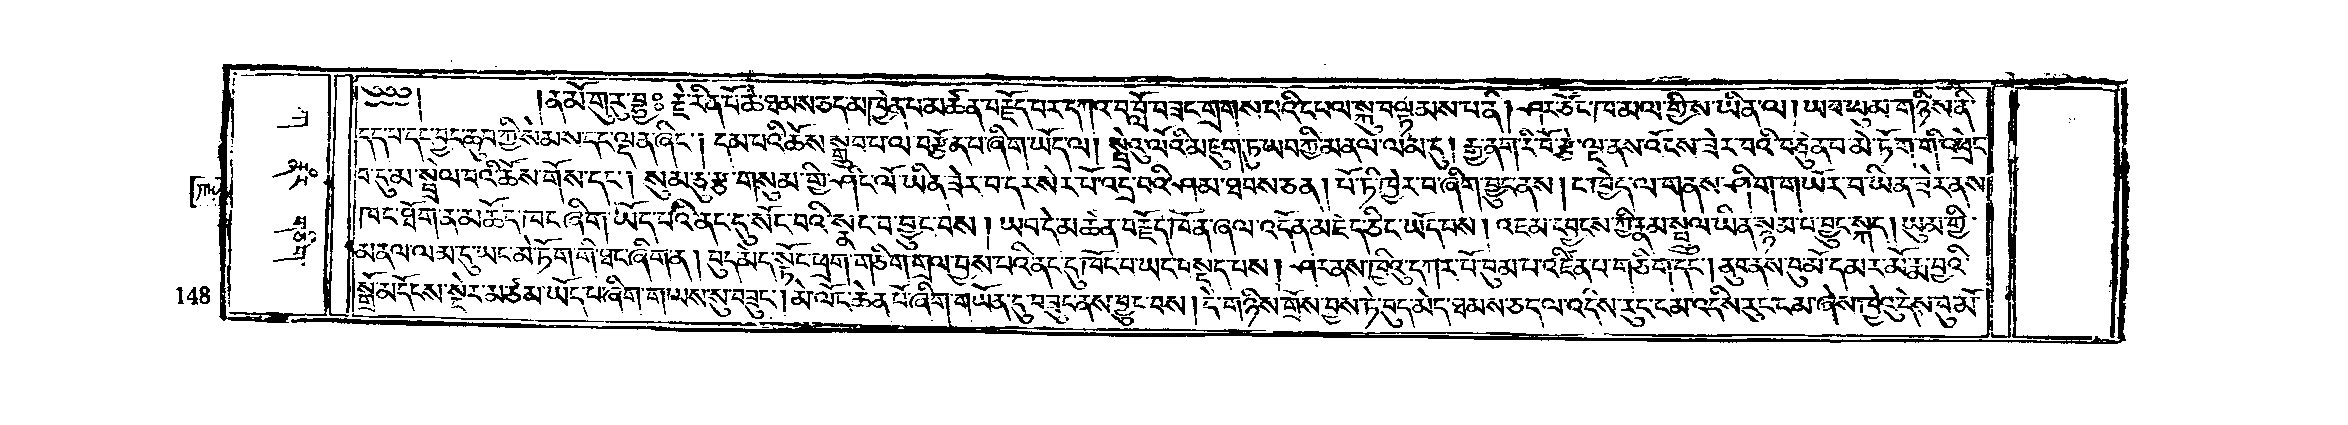༄༅༅། །ན་མོ་གུ་རུ་བྷྱཿ རྗེ་རིན་པོ་ཆེ་ཐམས་ཅད་མཁྱེན་པ་མཚན་བརྗོད་པར་དཀའ་བ་བློ་བཟང་གྲགས་པའི་དཔལ་སྐུ་བལྟམས་པ་ནི། ཤར་ཙོང་ཁ་མལ་གྱིས་ཡིན་ལ། ཡབ་ཡུམ་གཉིས་ནི་
དད་པ་དང་བྱང་ཆུབ་ཀྱི་སེམས་དང་ལྡན་ཞིང༑ དམ་པའི་ཆོས་སྒྲུབ་པ་ལ་བརྩོན་པ་ཞིག་ཡོད་ལ། སྤྲེའུ་ལོའི་མཇུག་ཏུ་ཡབ་ཀྱི་མནལ་ལམ་དུ། རྒྱ་ནག་རི་བོ་རྩེ་ལྔ་ནས་འོངས་ཟེར་བའི་བཙུན་པ་མེ་ཏོག་གི་འཕྲེང་
བ་དུ་མ་སྦྲེལ་བའི་ཆོས་གོས་དང་། སུམ་ཅུ་རྩ་གསུམ་གྱི་ཤིང་ལོ་ཡིན་ཟེར་བ་དར་སེར་པོ་འདྲ་བའི་ཤམ་ཐབས་ཅན། པོ་ཏི་ཁྱེར་བ་ཞིག་བྱུང་ནས། ང་ཁྱེད་ལ་གནས་ཤིག་གཡོར་བ་ཡིན་ཟེར་ནས་
ཁང་ཐོག་ན་མཆོད་ཁང་ཞིག་ཡོད་པའི་ནང་དུ་སོང་བའི་སྣང་བ་བྱུང་བས། ཡབ་དེ་མཚན་བརྗོད་ཁོ་ན་ཞལ་འདོན་མཇེད་ཅིང་ཡོད་པས། འཇམ་དབྱངས་ཀྱི་རྣམ་སྤྲུལ་ཡིན་སྙམ་པ་བྱུང་སྐད། ཡུམ་གྱི་
མནལ་ལམ་དུ་ཡང་མེ་ཏོག་གི་ཐང་ཞིག་ན། བུད་མེད་སྟོང་ཕྲག་གཅིག་གྲལ་བྱས་པའི་ནང་དུ་ཁོང་པ་ཡང་བསྡད་པས། ཤར་ནས་ཁྱིའུ་དཀར་པོ་བུམ་པ་འཛིན་པ་གཅིག་དང་། ནུབ་ནས་བུ་མོ་དམར་མོ་རྨ་བྱའི་
སྒྲོ་མདོངས་སྡེར་མ་ཙམ་ཡོད་པ་ཞིག་གཡས་སུ་བཟུང་། མེ་ལོང་ཆེན་པོ་ཞིག་གཡོན་དུ་བཟུང་ནས་བྱུང་བས། དེ་གཉིས་གྲོས་བྱས་
ཏེ་བུད་མེད་ཐམས་ཅད་ལ་འདིས་རུང་ངམ་ཞེས་ཁྱེའུ་དེས་བུ་མོ་